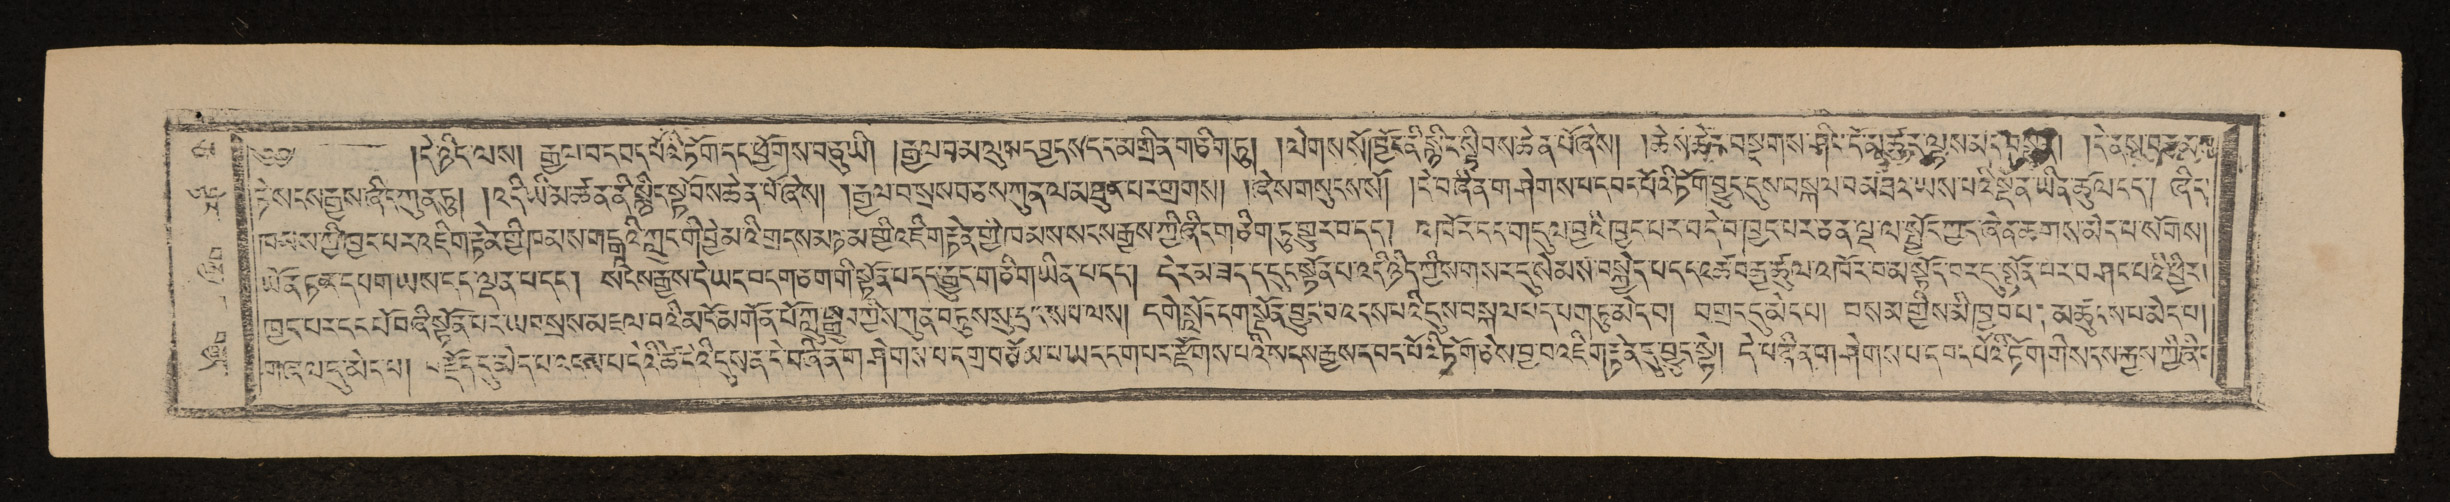༄༅། །དེ་ཉིད་ལས། རྒྱལ་བ་དབང་པོའི་ཏོག་དང་ཕྱོགས་བཅུ་ཡི། །རྒྱལ་བ་མ་ལུས་དབྱངས་དང་མགྲིན་གཅིག་ཏུ། །ལེགས་སོ་ཁྱོད་ནི་སྙིང་སྟོབས་ཆེན་པོ་ཞེས། །ཆེས་ཆེར་བསྔགས་ཤིང་ངོ་མཚར་ལྟས་མང་བསྟན། །དེ་ནས་བརྩམས་
ཏེ་སངས་རྒྱས་ཞིང་ཀུན་ཏུ། །འདི་ཡི་མཚན་ནི་སྙིང་སྟོབས་ཆེན་པོ་ཞེས། །རྒྱལ་བ་སྲས་བཅས་ཀུན་ལ་མཐུན་པར་གྲགས། །ཞེས་གསུངས་སོ། །དེ་བཞིན་གཤེགས་པ་དབང་པོའི་ཏོག་བྱུང་དུས་བསྐལ་བ་མཐའ་ཡས་པའི་སྔོན་ཡིན་ཚུལ་དང་། ཞིང་
ཁམས་ཀྱི་ཁྱད་པར་འཇིག་རྟེན་གྱི་ཁམས་གངྒཱའི་ཀླུང་གི་བྱེ་མའི་གྲངས་མཉམ་གྱི་འཇིག་རྟེན་གྱི་ཁམས་སངས་རྒྱས་ཀྱི་ཞིང་གཅིག་ཏུ་གྱུར་པ་དང་། འཁོར་དང་གདུལ་བྱའི་ཁྱད་པར་བདེ་བ་ཁྱད་པར་ཅན་ལྔ་ལ་སྤྱོད་ཀྱང་ཞེ་ན་ཆགས་མེད་པ་སོགས་
ཡོན་ཏན་དཔག་ཡས་དང་ལྡན་པ་དང་། སངས་རྒྱས་དེ་ཡང་བདག་ཅག་གི་སྟོན་པ་དང་རྒྱུད་གཅིག་ཡིན་པ་དང་། དེར་མ་ཟད་ད་དུང་སྟོན་པ་འདི་ཉིད་ཀྱིས་གསར་དུ་སེམས་བསྐྱེད་པ་དང་འཚང་རྒྱ་ཚུལ་འཁོར་བ་མ་སྟོང་བར་དུ་སྟོན་པར་བཤད་པའི་ཕྱིར།
ཁྱད་པར་དང་པོ་བཞི་སྟོན་པར་ཡབ་སྲས་མཇལ་བའི་མདོ་མགོན་པོ་ཀླུ་སྒྲུབ་ཀྱིས་ཀུན་བཏུས་སུ་དྲངས་པ་ལས། དགེ་སློང་དག་སྔོན་བྱུང་བ་འདས་པའི་དུས་བསྐལ་པ་དཔག་ཏུ་མེད་པ། བགྲང་དུ་མེད་པ། བསམ་གྱིས་མི་ཁྱབ་པ། མཚུངས་པ་མེད་པ།
གཞལ་དུ་མེད་པ། བརྗོད་དུ་མེད་པ་འདས་པ་དེའི་ཚེ་དེའི་དུས་ན་དེ་བཞིན་གཤེགས་པ་དགྲ་བཅོམ་པ་ཡང་དག་པར་རྫོགས་པའི་སངས་རྒྱས་དབང་པོའི་ཏོག་ཅེས་བྱ་བ་འཇིག་རྟེན་དུ་བྱུང་སྟེ། དེ་བཞིན་གཤེགས་པ་དབང་པོའི་ཏོག་གི་སངས་རྒྱས་ཀྱི་ཞིང་